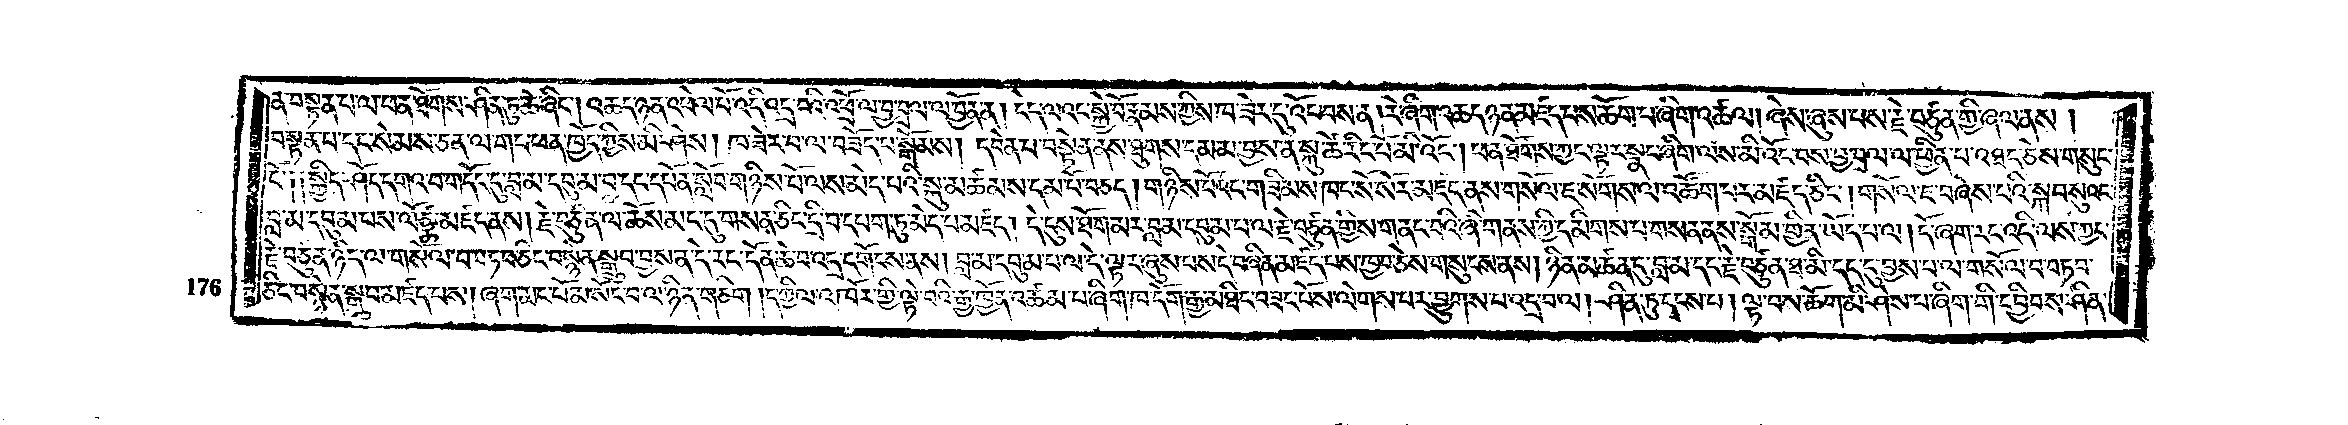ན་བསྟན་པ་ལ་ཕན་ཐོགས་ཤིན་ཏུ་ཆེ་ཞིང་། འཆད་ཉན་འཕེལ་པོ་འདི་འདྲ་བའི་འཕྲོ་ལ་བྱ་བྲལ་ལ་བྱོན་ན། ངེད་ལའང་སྐྱེ་བོ་རྣམས་ཀྱིས་ཁ་ཟེར་དུ་འོང་བས་ན། རེ་ཞིག་འཆད་ཉན་མཛད་པས་ཆོག་པ་ཞིག་འཚལ། ཞེས་ཞུས་པས་རྗེ་བཙུན་གྱི་ཞལ་ནས།
བསྟན་པ་དང་སེམས་ཅན་ལ་གང་ཕན་ཁྱོད་ཀྱིས་མི་ཤེས། ཁ་ཟེར་བ་ལ་བཟོད་པ་སྒོམས། དབེན་པ་བསྟེན་ནས་ཐུགས་དམ་མ་བྱས་ན་སྐུ་ཚེ་རིང་པོ་མི་འོང་། ཕན་ཐོགས་ཀྱང་ལྟར་སྣང་ཞིག་ལས་མི་འོང་བས་བྱ་བྲལ་ལ་ཕྱིན་པ་འཐད་ཅེས་གསུང་
ངོ༑ ༑སྐྱིད་ཤོད་དགའ་བ་གདོང་དུ་བླ་མ་དབུ་མ་བྱ་དང་དཔོན་སློབ་གཉིས་པོ་ལས་མེད་པའི་སྐུ་མཚམས་དམ་པོ་བཅད། གཉིས་པོའང་གཟིམས་ཁང་སོ་སོར་མཛད་ནས་གསོལ་ཇ་སོགས་ལ་འཚོག་པར་མཛད་ཅིང་། གསོལ་ཇ་བཞེས་པའི་སྐབས་སུའང་
བླ་མ་དབུ་མ་པས་ལོཙྪ་མཛད་ནས། རྗེ་བཙུན་ལ་ཆོས་མང་དུ་གསན་ཅིང་དྲི་བ་དཔག་ཏུ་མེད་པ་མཛད། དེ་དུས་ཐོག་མར་བླ་མ་དབུ་མ་པ་ལ་རྗེ་བཙུན་གྱིས་གནང་བའི་ཞི་གནས་ཀྱི་དམིགས་པ་གསན་ནས་སྒོམ་གྱིན་ཡོད་པ་ལ། དོ་ཞག་རང་འདི་ལས་ཀྱང་
རྗེ་བཙུན་ཉིད་ལ་གསོལ་བ་བཏབ་ཅིང་བསྙེན་སྒྲུབ་བྱས་ན་དེ་རང་དོན་ཆེ་བ་འདྲ་དགོངས་ནས། བླ་མ་དབུ་མ་པ་ལ་དེ་ལྟར་ཞུས་པས་དེ་བཞིན་མཛད་པས་ཁྱབ་ཅེས་གསུངས་ནས། ཉིན་མཚན་དུ་བླ་མ་དང་རྗེ་བཙུན་ཐ་མི་དད་དུ་བྱས་པ་ལ་གསོལ་བ་བཏབ་
ཅིང་བསྙེན་སྒྲུབ་མཛད་པས། ཞག་མང་པོ་མ་སོང་བ་ལ་ཉིན་གཅིག །དཀྱིལ་འཁོར་གྱི་ལྟེ་བའི་རྒྱ་ཁྱོན་འཚམ་པ་ཞིག་ཁ་དོག་རྒྱ་མཐིང་བཟང་པོས་ལེགས་པར་བྱུགས་པ་འདྲ་བ་ལ། ཤིན་ཏུ་དྭང་པ། ལྟ་བས་ཆོག་མི་ཤེས་པ་ཞིག་གི་དབྱིབས་ཤིན་